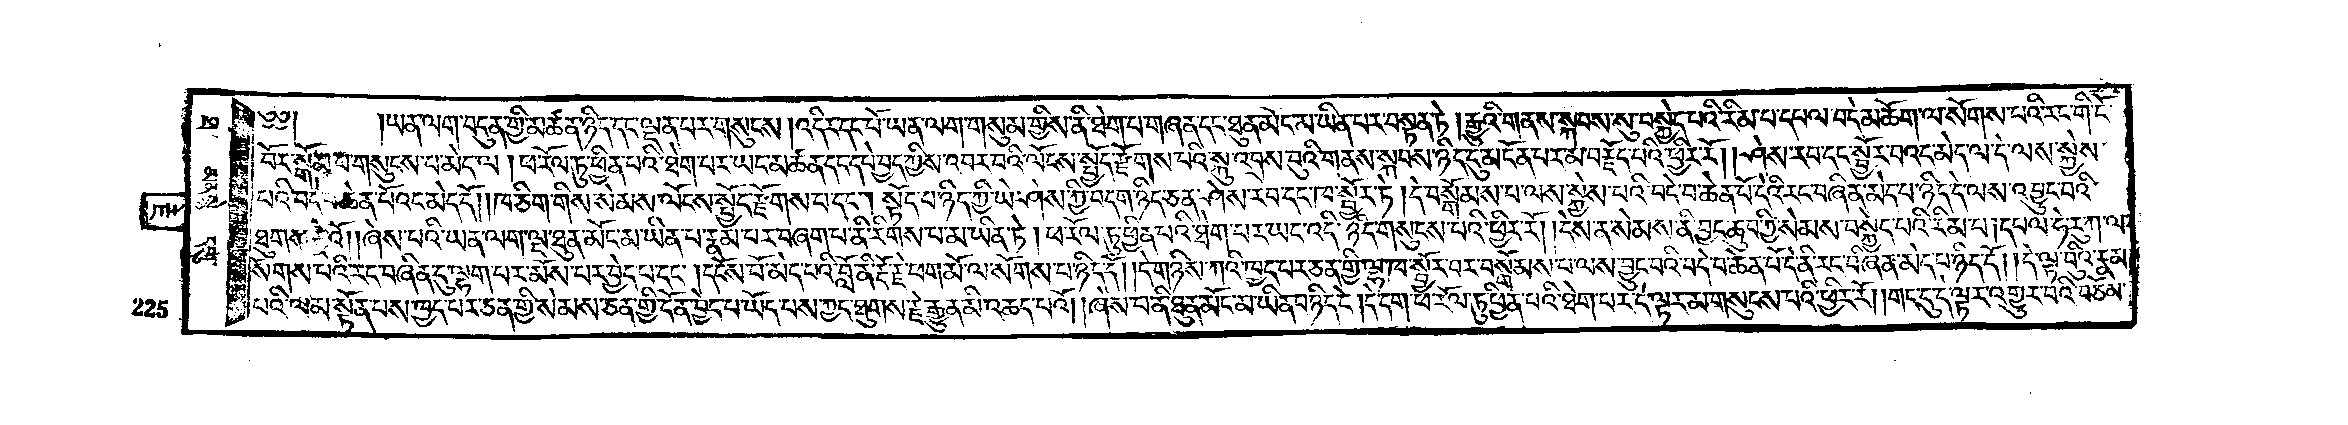༄༅། །ཡན་ལག་བདུན་གྱི་མཚན་ཉིད་དང་ལྡན་པར་གསུངས། འདིར་དང་པོ་ཡན་ལག་གསུམ་གྱིས་ནི་ཐེག་པ་གཞན་དང་ཐུན་མོང་མ་ཡིན་པར་བསྟན་ཏེ། རྒྱུའི་གནས་སྐབས་སུ་བསྐྱེད་པའི་རིམ་པ་དཔལ་བདེ་མཆོག་ལ་སོགས་པའི་རང་གི་ངོ་
བོར་སྒོམ་པ་གསུངས་པ་མེད་ལ། ཕ་རོལ་ཏུ་ཕྱིན་པའི་ཐེག་པར་ཡང་མཚན་དང་དཔེ་བྱད་ཀྱིས་འབར་བའི་ལོངས་སྤྱོད་རྫོགས་པའི་སྐུ་འབྲས་བུའི་གནས་སྐབས་ཉིད་དུ་མངོན་པར་མ་བརྗོད་པའི་ཕྱིར་རོ། །ཤེས་རབ་དང་སྦྱོར་བའང་མེད་ལ་དེ་ལས་སྐྱེས་
པའི་བདེ་བ་ཆེན་པོའང་མེད་དོ། །ཁ་ཅིག་གིས་སེམས་ལོངས་སྤྱོད་རྫོགས་པ་དང་། སྟོང་པ་ཉིད་ཀྱི་ཡེ་ཤེས་ཀྱི་བདག་ཉིད་ཅན་ཤེས་རབ་དང་ཁ་སྦྱོར་ཏེ། དེ་བསྒོམས་པ་ལས་སྐྱེས་པའི་བདེ་བ་ཆེན་པོ་དེའི་རང་བཞིན་མེད་པ་ཉིད་དེ་ལས་འབྱུང་བའི་
ཐུགས་རྗེའོ། །ཞེས་པའི་ཡན་ལག་ལྔ་ཐུན་མོང་མ་ཡིན་པ་རྣམ་པར་བཞག་པ་ནི་རིགས་པ་མ་ཡིན་ཏེ། ཕ་རོལ་ཏུ་ཕྱིན་པའི་ཐེག་པར་ཡང་འདི་ཉིད་གསུངས་པའི་ཕྱིར་རོ། །དེས་ན་སེམས་ནི་བྱང་ཆུབ་ཀྱི་སེམས་བསྐྱེད་པའི་རིམ་པ། དཔལ་ཧེ་རུ་ཀ་ལ་
སོགས་པའི་རང་བཞིན་དུ་ལྷག་པར་མོས་པར་བྱེད་པ་དང་། དངོས་པོ་མེད་པའི་བློ་ནི་རྡོ་རྗེ་ཕག་མོ་ལ་སོགས་པ་ཉིད་དོ། །དེ་གཉིས་ཀའི་ཁྱད་པར་ཅན་གྱི་ལྷ་ཁ་སྦྱོར་བར་བསྒོམས་པ་ལས་བྱུང་བའི་བདེ་བ་ཆེན་པོ་དེ་ནི་རང་བཞིན་མེད་པ་ཉིད་དོ། །དེ་ལྟ་བུའི་རྣམ་
པའི་ལམ་སྟོན་པས་ཁྱད་པར་ཅན་གྱི་སེམས་ཅན་གྱི་དོན་བྱེད་པ་ཡོད་པས་ཀྱང་ཐུགས་རྗེ་རྒྱུན་མི་འཆད་པའོ། །ཞེས་པ་ནི་ཐུན་མོང་མ་ཡིན་པ་ཉིད་དེ། དེ་དག་ཕ་རོལ་ཏུ་ཕྱིན་པའི་ཐེག་པར་དེ་ལྟར་མ་གསུངས་པའི་ཕྱིར་རོ། །གང་དུ་དེ་ལྟར་འགྱུར་བའི་བཅོམ་